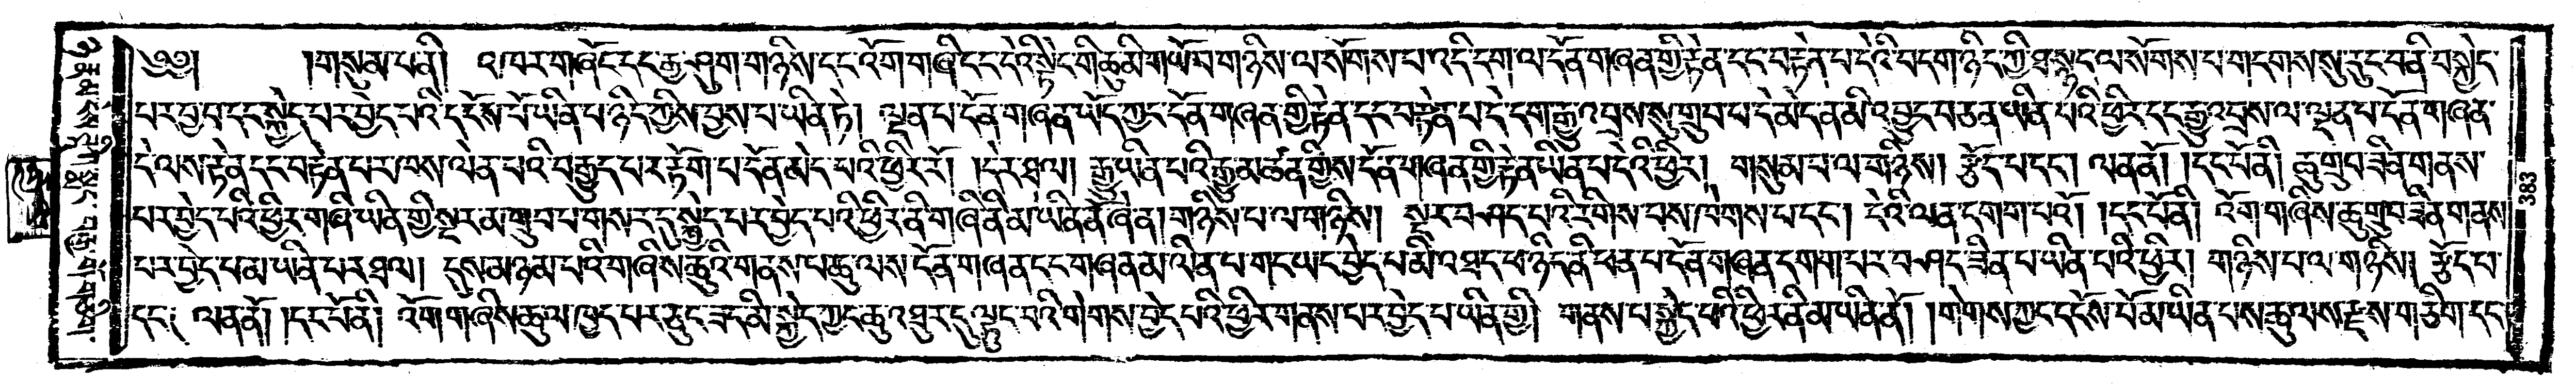༄༅། །གསུམ་པ་ནི། འཁར་གཞོང་དང་རྒྱ་ཤུག་གཉིས་དང་འོག་གཞི་དང་དེའི་སྟེང་གི་ཆུ་མི་གཡོ་བ་གཉིས་ལ་སོགས་པ་འདི་དག་ལ་དོན་གཞན་གྱི་རྟེན་དང་བརྟེན་པ་དེའི་བདག་ཉིད་ཀྱི་ཐ་སྙད་ལ་སོགས་པ་གདགས་སུ་རུང་བ་ནི་བསྐྱེད་
པར་བྱ་བ་དང་སྐྱེད་པར་བྱེད་པའི་དངོས་པོ་ཡིན་པ་ཉིད་ཀྱིས་བྱས་པ་ཡིན་ཏེ། ལྡན་པ་དོན་གཞན་ཡོད་ཀྱང་དོན་གཞན་གྱི་རྟེན་དང་བརྟེན་པ་དེ་དག་རྒྱུ་འབྲས་སུ་གྲུབ་པ་དེ་མེད་ན་མི་འབྱུང་བ་ཅན་ཡིན་པའི་ཕྱིར་དང་རྒྱུ་འབྲས་ལ་ལྡན་པ་དོན་གཞན་
དེ་ལས་རྟེན་དང་བརྟེན་པར་ཁས་ལེན་པའི་བརྒྱུད་པར་རྟོག་པ་དོན་མེད་པའི་ཕྱིར་རོ། །དེར་ཐལ། རྒྱུ་ཡིན་པའི་རྒྱུ་མཚན་གྱིས་དོན་གཞན་གྱི་རྟེན་ཡིན་པ་དེའི་ཕྱིར། གསུམ་པ་ལ་གཉིས། རྩོད་པ་དང་། ལན་ནོ། །དང་པོ་ནི། ཆུ་གྲུབ་ཟིན་གནས་
པར་བྱེད་པའི་ཕྱིར་གཞི་ཡིན་གྱི་སྔར་མ་གྲུབ་པ་གསར་དུ་སྐྱེད་པར་བྱེད་པའི་ཕྱིར་ནི་གཞི་ནི་མ་ཡིན་ནོ་ཞེ་ན། གཉིས་པ་ལ་གཉིས། སྔར་བཤད་པའི་རིགས་པས་ཁེགས་པ་དང་། དེའི་ལན་དགག་པའོ། །དང་པོ་ནི། འོག་གཞིས་ཆུ་གྲུབ་ཟིན་གནས་
པར་བྱེད་པ་མ་ཡིན་པར་ཐལ། དུས་མཉམ་པའི་གཞིས་ཆུའི་གནས་པ་ཆུ་ལས་དོན་གཞན་དང་གཞན་མ་ལིན་པ་གང་ཡང་བྱེད་པ་མི་འཐད་ཕ་ཉིད་ནི་ཕན་པ་དོན་གཞན་དགག་པར་བཤད་ཟིན་པ་ཡིན་པའི་ཕྱིར། གཉིས་པ་ལ་གཉིས། རྩོད་པ་
དང༑ ལན་ནོ། །དང་པོ་ནི། འོག་གཞིས་ཆུ་ལ་ཁྱད་པར་ཅུང་ཟད་མི་སྐྱེད་ཀྱང་ཆུ་འཐུར་དུ་ལྟུང་བའི་གེགས་བྱེད་པའི་ཕྱིར་གནས་པར་བྱེད་པ་ཡིན་གྱི། གནས་པ་སྐྱེད་པའི་ཕྱིར་ནི་མ་ཡིན་ནོ། །གེགས་ཀྱང་དངོས་པོ་མ་ཡིན་པས་ཆུ་ལས་རྫས་གཅིག་དང་